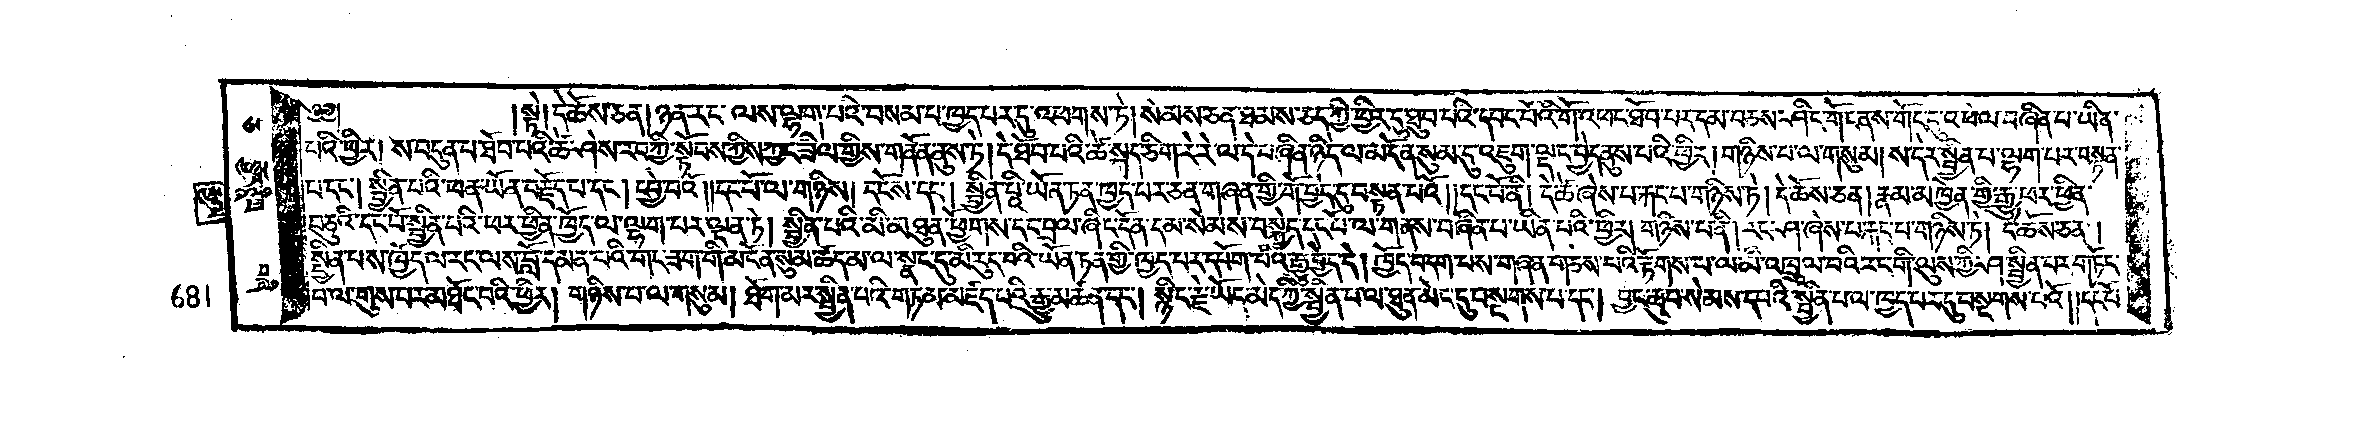༄༅། །སྟེ། དེ་ཆོས་ཅན། ཉན་རང་ལས་ལྷག་པའི་བསམ་པ་ཁྱད་པར་དུ་འཕགས་ཏེ། སེམས་ཅན་ཐམས་ཅད་ཀྱི་ཕྱིར་དུ་ཐུབ་པའི་དབང་པོའི་གོ་འཕང་ཐོབ་པར་དམ་བཅས་ཤིང་གོང་ནས་གོང་དུ་འཕེལ་བཞིན་པ་ཡིན་
པའི་ཕྱིར། ས་བདུན་པ་ཐོབ་པའི་ཚེ་ཤེས་རབ་ཀྱི་སྟོབས་ཀྱིས་ཀྱང་ཟིལ་གྱིས་གནོན་ནུས་ཏེ། དེ་ཐོབ་པའི་ཚེ་སྐད་ཅིག་རེ་རེ་ལ་དེ་བཞིན་ཉིད་ལ་མངོན་སུམ་དུ་འཇུག་ལྡང་བྱེད་ནུས་པའི་ཕྱིར། གཉིས་པ་ལ་གསུམ། ས་དེར་སྦྱིན་པ་ལྷག་པར་བསྟན་
པ་དང་། སྦྱིན་པའི་ཕན་ཡོན་བརྗོད་པ་དང་། དབྱེ་བའོ། །དང་པོ་ལ་གཉིས། དངོས་དང་། སྦྱིན་པའི་ཡོན་ཏན་ཁྱད་པར་ཅན་གཞན་གྱི་གོ་བྱེད་དུ་བསྟན་པའོ། །དང་པོ་ནི། དེ་ཚེ་ཞེས་པ་རྐང་པ་གཉིས་ཏེ། དེ་ཆོས་ཅན། རྣམ་མཁྱེན་གྱི་རྒྱུ་ཕར་ཕྱིན་
བཅུའི་དང་པོ་སྦྱིན་པའི་ཕར་ཕྱིན་ཁྱོད་ལ་ལྷག་པར་ལྡན་ཏེ། སྦྱིན་པའི་མི་མཐུན་ཕྱོགས་དང་བྲལ་ཞིང་དོན་དམ་སེམས་བསྐྱེད་དང་པོ་ལ་གནས་བཞིན་པ་ཡིན་པའི་ཕྱིར། གཉིས་པ་ནི། རང་ཤ་ཞེས་པ་རྐང་པ་གཉིས་ཏེ། དེ་ཆོས་ཅན།
སྦྱིན་པས་ཁྱོད་ལ་རང་ལས་བློ་དམན་པའི་གང་ཟག་གི་མངོན་སུམ་ཚད་མ་ལ་སྣང་དུ་མི་རུང་བའི་ཡོན་ཏན་གྱི་ཁྱད་པར་དཔོག་པའི་རྒྱུ་བྱེད་དེ། ཁྱོད་བདག་པས་གཞན་གཅེས་པའི་རྟོགས་པ་ལ་མི་འཁྲུལ་བའི་རང་གི་ལུས་ཀྱི་ཤ་སྦྱིན་པར་གཏོང་
བ་ལ་གུས་པར་མཐོང་བའི་ཕྱིར། གཉིས་པ་ལ་གསུམ། ཐོག་མར་སྦྱིན་པའི་གཏམ་མཛད་པའི་རྒྱུ་མཚན་དང་། སྙིང་རྗེ་ཡོད་མེད་ཀྱི་སྦྱིན་པ་ལ་ཐུན་མེད་དུ་བསྔགས་པ་དང་། བྱང་ཆུབ་སེམས་དཔའི་སྦྱིན་པ་ལ་ཁྱད་པར་དུ་བསྔགས་པའོ། །དང་པོ་